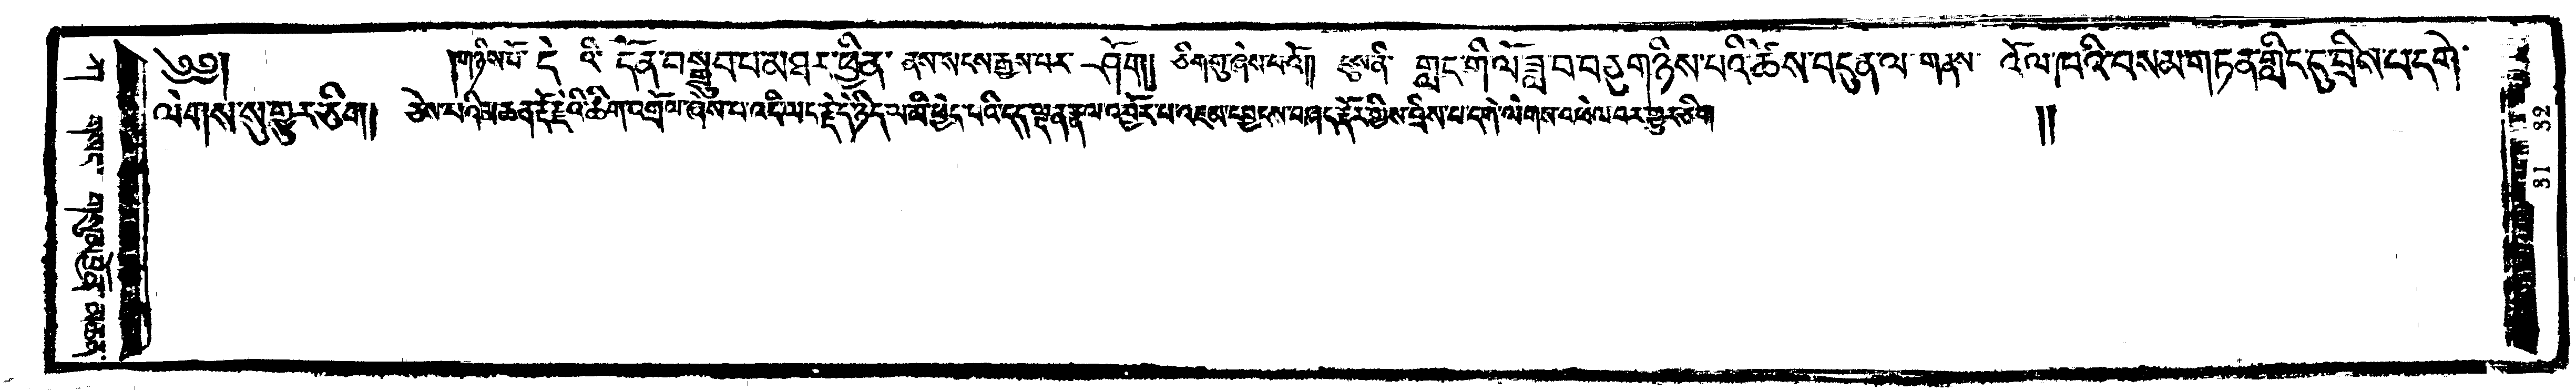༄༅། །གཉིས་པོ་དེའི་དོན་བསྒྲུབ་པ་མཐར་ཕྱིན་ནས་སངས་རྒྱས་པར་ཤོག །ཅིག་བུ་ཞེས་པའོ། །དུས་ནི་གླང་གི་ལོ་ཟླ་བ་བཅུ་གཉིས་པའི་ཚེས་བདུན་ལ་གནས་འོལ་ཁའི་བསམ་གཏན་གླིང་དུ་བྲིས་པ་དགེ་
ལེགས་སུ་གྱུར་ཅིག །ཅེས་པའི་མཆན་རྡོ་རྗེའི་ཚིག་འགྲོལ་ཞེས་པ་འདི་ལང་རྗེ་དེ་ཉིད་ལ་མི་ཕྱེད་པའི་དད་ལྡན་རྣལ་འབྱོར་པ་འཇམ་དབྱངས་བཞད་རྡོར་ཀྱིས་བྲིས་པ་དགེ་ལེགས་འཕེལ་བར་གྱུར་ཅིག། །།